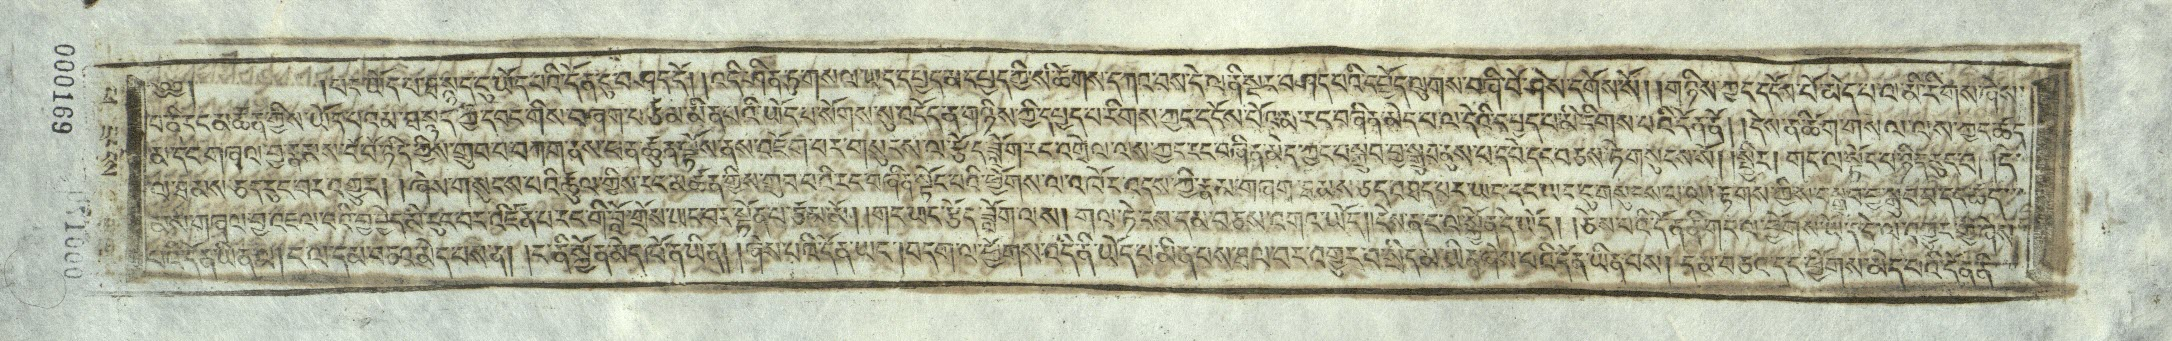༄༅། །པར་ཡོད་པ་ཐ་སྙད་དུ་ཡོད་པའི་དོན་དུ་བཤད་དོ། །འདི་ཤིན་ཏུ་གསལ་ཡང་དཔྱད་མ་དཔྱད་ཀྱི་ས་ཚིགས་དཀའ་བས་དེ་ལ་ནི་སྔར་བཤད་པའི་དཔྱོད་ལུགས་བཞི་པོ་ཤེས་དགོས་སོ། །གཉིས་ཀྱང་དངོས་པོ་མེད་པ་ལ་མི་རིགས་ཞེས་
པ་ནི་རང་མཚན་གྱིས་ཡོད་པའམ་ཐ་སྙད་ཀྱི་དབང་གིས་བཞག་པ་ཙམ་མིན་པའི་ཡོད་པ་སོགས་སུ་འདོད་ན་གཉིས་ཀྱི་དཔྱད་པ་རིགས་ཀྱང་དངོས་པོའམ་རང་བཞིན་མེད་པ་ལ་དེའི་དཔྱད་པ་མི་རིགས་པའི་དོན་ནོ། །དེས་ན་ཚིག་གསལ་ལས་ཀྱང་ཚད་
མ་དང་གཞལ་བྱ་རྣམས་ངོ་བོ་ཉིད་ཀྱིས་གྲུབ་པ་བཀག་ནས་ཕན་ཚུན་ལྟོས་ནས་འཇོག་པར་གསུངས་ལ་རྩོད་ཟློག་རང་འགྲེལ་ལས་ཀྱང་རང་བཞིན་མེད་ཀྱང་བསྒྲུབ་བྱ་སྒྲུབ་ནུས་པ་དཔེ་དང་བཅས་ཏེ་གསུངས་སོ། །སྤྱིར། གང་ལ་སྟོང་པ་ཉིད་རུང་བ། །དེ་
ལ་ཐམས་ཅད་རུང་བར་འགྱུར། །ཞེས་གསུངས་པའི་ཚུལ་གྱིས་རང་མཚན་གྱིས་གྲུབ་པའི་རང་བཞིན་སྟོང་པའི་ཕྱོགས་ལ་འཁོར་འདས་ཀྱི་རྣམ་གཞག་ཐམས་ཅད་འཐད་པར་ཡང་དང་ཡང་དུ་གསུངས་པ་ལ། རྟགས་ཀྱིས་བསྒྲུབ་བྱ་སྒྲུབ་པ་དང་ཚད་
མས་གཞལ་བྱ་འཇལ་བའི་བྱ་བྱེད་མི་རུང་བར་འཛིན་པ་རང་གི་བློ་གྲོས་ཡང་བར་སྟོན་པ་ཙམ་མོ། །གང་ཡང་རྩོད་ཟློག་ལས། གལ་ཏེ་ངས་དམ་བཅས་འགའ་ཡོད། །དེས་ན་ང་ལ་སྐྱོན་དེ་ཡོད། །ཅེས་པའི་དོན་ནི་གང་ལ་ཕྱོགས་ཡོད་དེ་ལ་འགྱུར་གྱི་ཞེས་
པའི་དོན་ཡིན་ལ། ང་ལ་དམ་བཅའ་མེད་པས་ན། །ང་ནི་སྐྱོན་མེད་ཁོ་ན་ཡིན། །ཞེས་པའི་དོན་ཡང་། བདག་ལ་ཕྱོགས་འདི་ནི་ཡོད་པ་མིན་པས་ཐལ་བར་འགྱུར་བ་སྲིད་མ་ཡིན་ཞེས་པའི་དོན་ཡིན་པས། དམ་བཅའ་དང་ཕྱོགས་མེད་པའི་དོན་ནི་